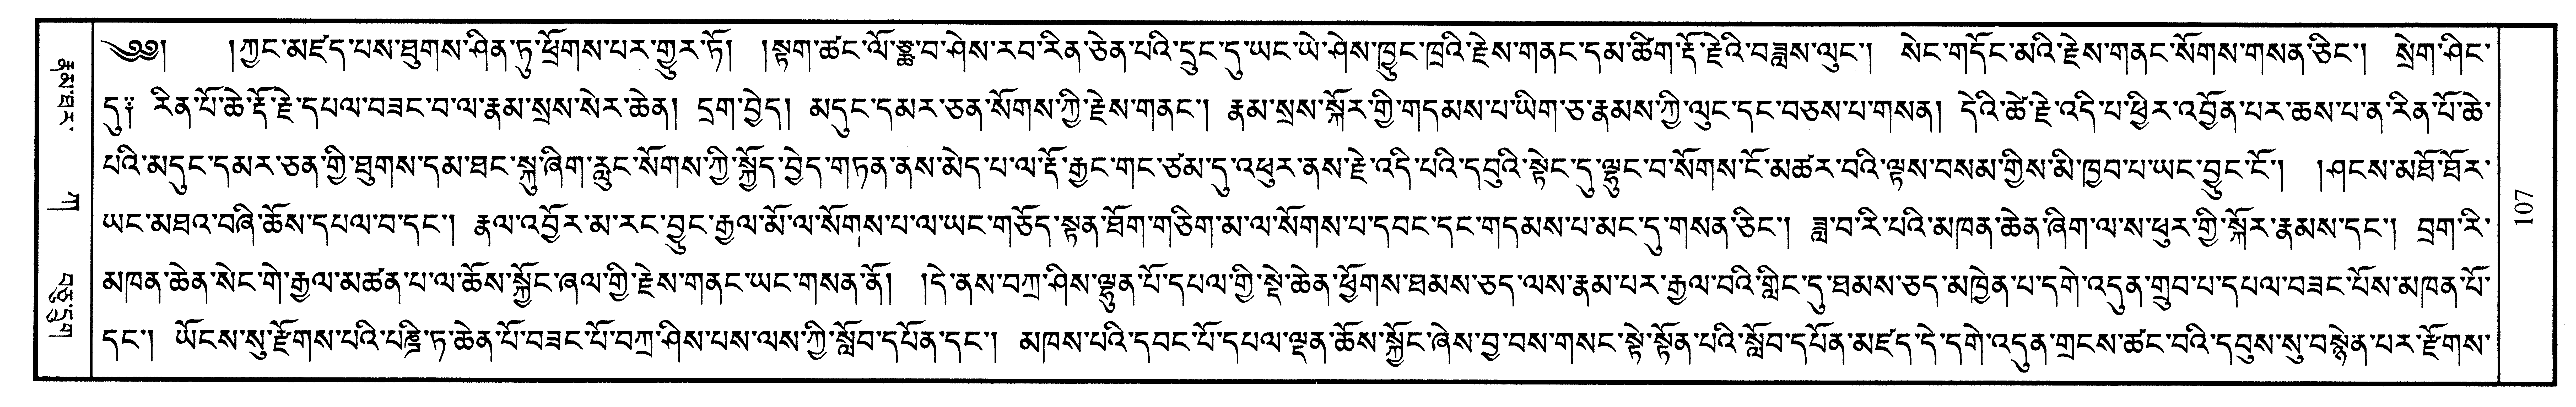༄༅། །ཀྱང་མཛད་པས་ཐུགས་ཤིན་ཏུ་ཕྲོགས་པར་གྱུར་ཏོ། །སྟག་ཚང་ལོ་ཙྪ་བ་ཤེས་རབ་རིན་ཅེན་པའི་དྲུང་དུ་ཡང་ཡེ་ཤེས་ཁྱུང་ཁྲའི་རྗེས་གནང་དམ་ཚིག་རྡོ་རྗེའི་བཟླས་ལུང་། སེང་གདོང་མའི་རྗེས་གནང་སོགས་གསན་ཅིང་། སྲེག་ཤིང་
དུ༑ རིན་པོ་ཆེ་རྡོ་རྗེ་དཔལ་བཟང་བ་ལ་རྣམ་སྲས་སེར་ཆེན། དྲག་བྱེད། མདུང་དམར་ཅན་སོགས་ཀྱི་རྗེས་གནང་། རྣམ་སྲས་སྐོར་གྱི་གདམས་པ་ཡིག་ཅ་རྣམས་ཀྱི་ལུང་དང་བཅས་པ་གསན། དེའི་ཚེ་རྗེ་འདི་པ་ཕྱིར་འབྱོན་པར་ཆས་པ་ན་རིན་པོ་ཆེ་
པའི་མདུང་དམར་ཅན་གྱི་ཐུགས་དམ་ཐང་སྐུ་ཞིག་རླུང་སོགས་ཀྱི་སྐྱོད་བྱེད་གཏན་ནས་མེད་པ་ལ་རྡོ་རྒྱང་གང་ཙམ་དུ་འཕུར་ནས་རྗེ་འདི་པའི་དབུའི་སྟེང་དུ་ལྷུང་བ་སོགས་ངོ་མཚར་བའི་ལྟས་བསམ་གྱིས་མི་ཁྱབ་པ་ཡང་བྱུང་ངོ། །ཤངས་མཐོ་ཐོར་
ཡང་མཐའ་བཞི་ཆོས་དཔལ་བ་དང་། རྣལ་འབྱོར་མ་རང་བྱུང་རྒྱལ་མོ་ལ་སོགས་པ་ལ་ཡང་གཅོད་སྟན་ཐོག་གཅིག་མ་ལ་སོགས་པ་དབང་དང་གདམས་པ་མང་དུ་གསན་ཅིང་། ཟླ་བ་རི་པའི་མཁན་ཆེན་ཞིག་ལ་ས་ཕུར་གྱི་སྐོར་རྣམས་དང་། བྲག་རི་
མཁན་ཆེན་སེང་གེ་རྒྱལ་མཚན་པ་ལ་ཆོས་སྐྱོང་ཞལ་གྱི་རྗེས་གནང་ཡང་གསན་ནོ། །དེ་ནས་བཀྲ་ཤིས་ལྷུན་པོ་དཔལ་གྱི་སྡེ་ཆེན་ཕྱོགས་ཐམས་ཅད་ལས་རྣམ་པར་རྒྱལ་བའི་གླིང་དུ་ཐམས་ཅད་མཁྱེན་པ་དགེ་འདུན་གྲུབ་པ་དཔལ་བཟང་པོས་མཁན་པོ་
དང་། ཡོངས་སུ་རྫོགས་པའི་པཎྜི་ཏ་ཆེན་པོ་བཟང་པོ་བཀྲ་ཤིས་པས་ལས་ཀྱི་སློབ་དཔོན་དང་། མཁས་པའི་དབང་པོ་དཔལ་ལྡན་ཆོས་སྐྱོང་ཞེས་བྱ་བས་གསང་སྟེ་སྟོན་པའི་སློབ་དཔོན་མཛད་དེ་དགེ་འདུན་གྲངས་ཚང་བའི་དབུས་སུ་བསྙེན་པར་རྫོགས་